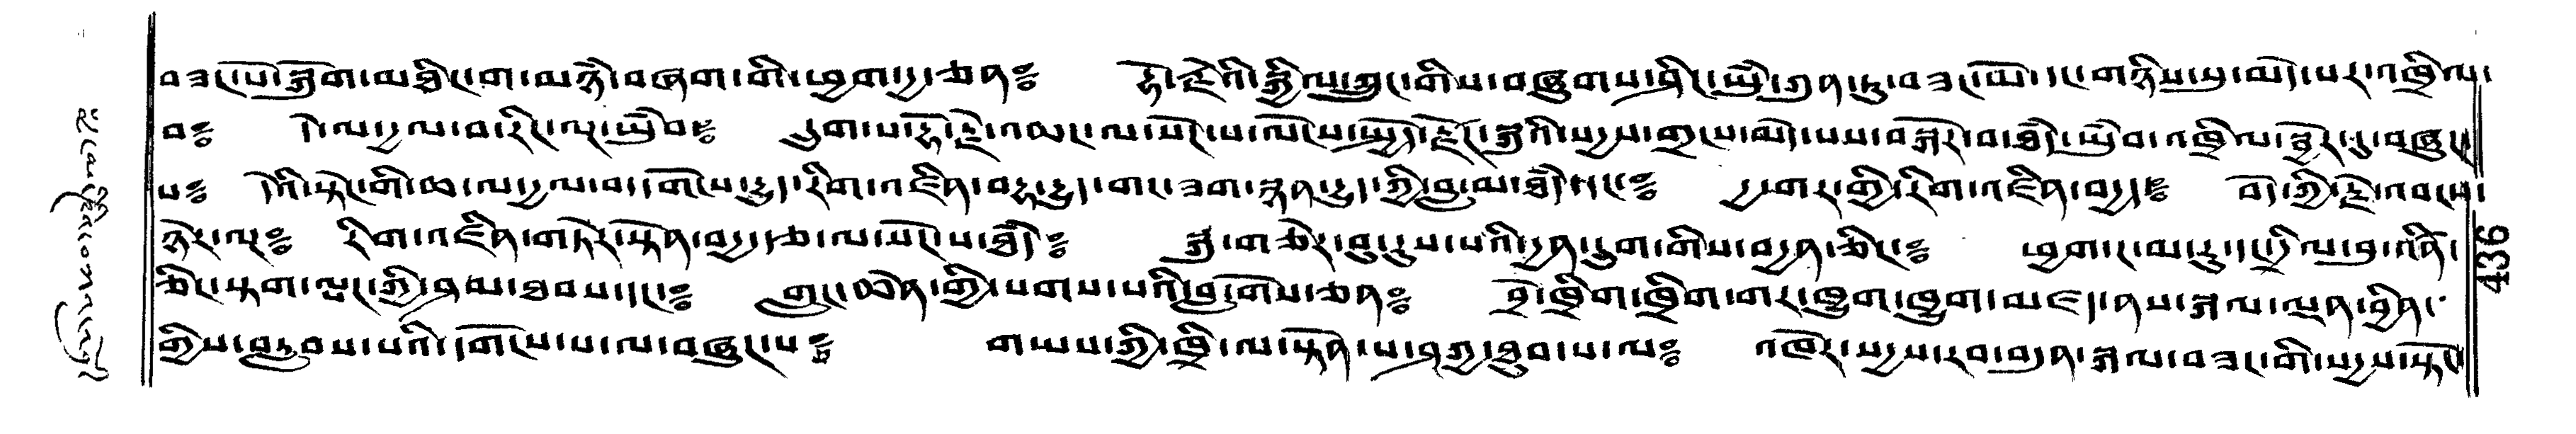བཟང་པོ་སྐུ་མདོག་མཐིང་ག་མཉམ་བཞག་གི་ཕྱག་རྒྱ་ཅན༔ རྡོ་རྗེའི་སྐྱིལ་ཀྲུང་གིས་བཞུགས་ཤིང་ཡུམ་ཀུན་ཏུ་བཟང་མོ་དང་གཉིས་སུ་མེད་པར་འཁྲིལ་
བ༔ དེ་ལ་རྒྱལ་བ་རིགས་ལྔ་ཡབ་ཡུམ༔ དྲུག་པ་རྡོ་རྗེ་འཆང་ལ་སོགས་པ་ལོངས་སྤྱོད་རྫོགས་སྐུའི་སངས་རྒྱས་གྲངས་མེད་པས་བསྐོར་བ་ཐམས་ཅད་ཡབ་ཡུམ་འཁྲིལ་སྦྱོར་དུ་བཞུགས་
པ༔ དེའི་སྟེང་གི་ཆ་ལ་རྒྱལ་བ་དགོངས་རྒྱུད༔ རིག་འཛིན་བརྡ་རྒྱུད༔ གང་ཟག་སྙན་རྒྱུད་ཀྱི་བླ་མ་ཐམས་ཅད་དང༔ རྒྱ་གར་གྱི་རིག་འཛིན་བརྒྱད༔ བོད་ཀྱི་རྗེ་འབངས་
ཉེར་ལྔ༔ རིག་འཛིན་གཏེར་སྟོན་བརྒྱ་རྩ་ལ་སོགས་པ་ཐམས་ཅད༔ སྐུ་གཅེར་བུ་རུས་པའི་རྒྱན་དྲུག་གིས་བརྒྱན་ཅིང༔ ཕྱག་ཌཱ་མ་རུ་དང་དྲིལ་བུ་འཛིན་
ཅིང༔ སྟག་ལྤགས་ཀྱི་ཤམ་ཐབས་དང༔ གླང་ཆེན་གྱི་པགས་པའི་བླ་གོས་ཅན༔ བྲོ་ཁྲིག་ཁྲིག་གར་ཁྱུག་ཁྱུག་མཛད་ནས་སྐལ་ལྡན་བྱིན་
གྱིས་རློབ་པའི་དགོངས་པ་ལ་བཞུགས་པ༔ གཡས་ཀྱི་ཁྲི་ལ་སྟོན་པ་ཤཱཀྱ་ཐུབ་པ་ལ༔ འཁོར་སངས་རྒྱས་རབས་བདུན་སྐལ་བཟང་གིས་སངས་རྒྱས་སྟོང་